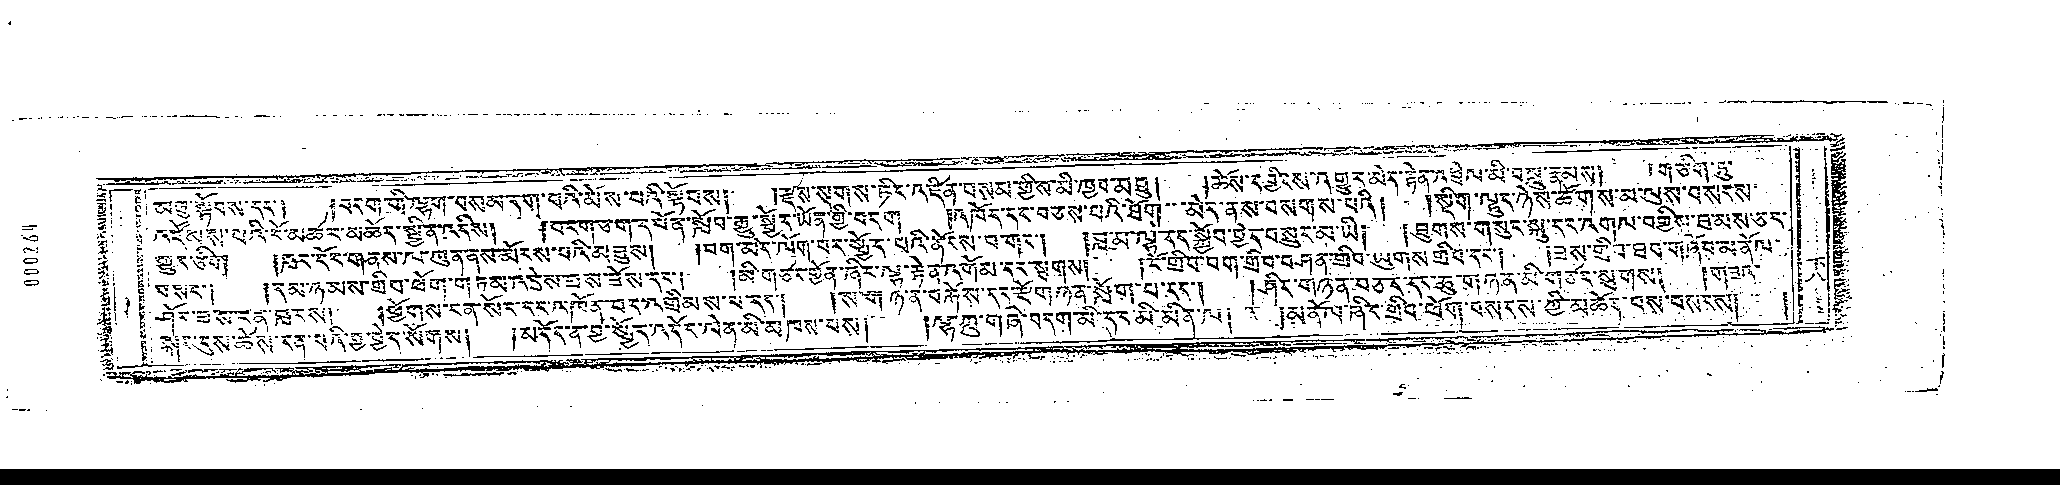མཐུ་སྟོབས་དང་། །བདག་གི་ལྷག་བསམ་དག་པའི་མོས་བའི་སྟོབས། །རྫས་སྔགས་ཏིང་འཛིན་བསམ་གྱིས་མི་ཁྱབ་མཐུ། །ཆོས་དབྱིངས་འགྱུར་མེད་རྟེན་འབྲེལ་མི་བསླུ་རྣམས། །གཅིག་ཏུ་
འཛོམས་པའི་ངོ་མཚར་མཆོད་སྦྱིན་འདིས། །བདག་ཅག་དཔོན་སློབ་རྒྱུ་སྦྱོར་ཡོན་གྱི་བདག །འཁོར་དང་བཅས་པའི་ཐོག་མེད་ནས་བསགས་པའི། །སྡིག་ལྟུང་ཉེས་ཚོགས་མ་ལུས་བསངས་
གྱུར་ཅིག །བླང་དོར་གནས་ལ་ཀུན་ནས་རྨོངས་བའི་མཐུས། །བག་མེད་ལོག་པར་སྦྱོད་པའི་ནོངས་པ་གང་། །བླ་མ་ལྷ་དང་སྐྱོབ་བྱེད་བསྲུང་མ་ཡི། །ཐུགས་གསུང་སྐུ་དང་འགལ་བགྱིས་ཐམས་ཅད་
བསང་། །དམ་ཉམས་གྲིབ་ཕོག་གཏམ་འདྲེས་ཟས་ཟོས་དང་། །མི་གཙང་གྱོན་ཞིད་ལྷ་རྟེན་འགོམ་དང་སྦགས། །རོ་གྲིབ་བག་གྲིབ་བཤན་གྲིབ་ཡུགས་གྲིབ་དང་། །ཟས་གྲིབ་ཐབ་གཞོབ་མནོལ་
ཤོར་ཟས་ངན་བླངས། །ཕྱོགས་དན་སོང་དང་འཁོན་བར་འགྲིམས་བ་དང་། །ས་གཉན་བརྐོས་དང་རྡོ་གཉན་སློག་པ་དང་། །ཤིང་གཉན་བཅད་དང་ཆུ་གཉན་མི་གཙང་སྦགས། །གཟའ་
སྐར་དུས་ཚེས་དན་པའི་བྱ་བྱེད་སོགས། །མདོར་ན་བྱ་སྦྱོད་འདོར་ལེན་མི་མཁས་པས། །ལྷ་ཀླུ་གཞི་བདག་མི་དང་མི་མིན་ལ། །མནོལ་ཞིང་གྲིབ་ཕོག་བསངས་ཀྱི་མཆོད་པས་བསངས། །